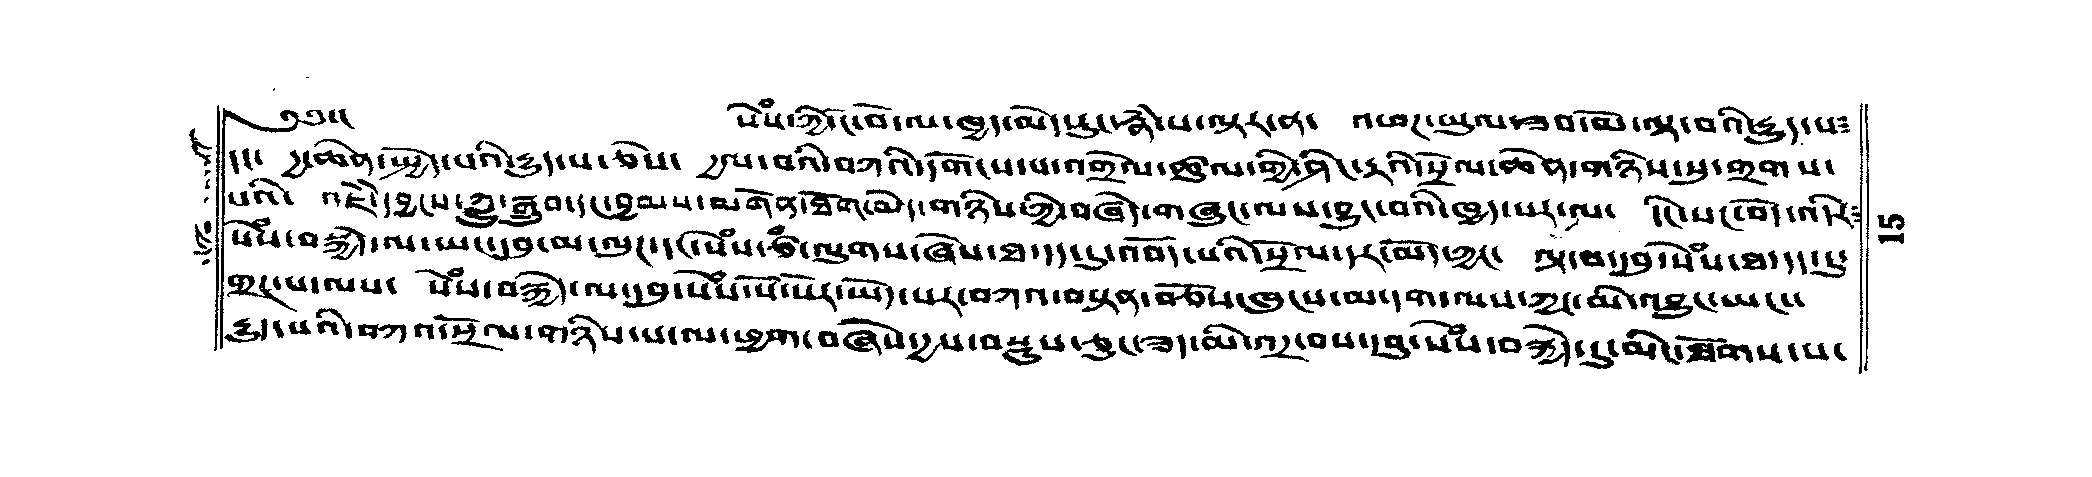སེམས་ཀྱི་ངོ་བོ་ལ་ཁྱད་མེད་རུང་རྣམ་པ་ལྟར་ན། འཕགས་ཡུལ་ཟབ་མོ་ལྟ་བའི་རྒྱུད་པ་དང་། 
རྒྱ་ཆེན་སྤྱོད་པའི་རྒྱུད་པ་ཅེས། རྒྱལ་བའི་བཀའི་དགོངས་པ་འགྲེལ་ཚུལ་གྱི་ཤིང་རྟའི་སྲོལ་ཆེན་གཉིས་སུ་གྲགས་
པའི། འཇམ་དབྱངས་ཀླུ་སྒྲུབ་དང་བྱམས་མགོན་ཐོག་མེད་གཉིས་ཀྱི་བཞེད་གཞུང་ལས་བྱུང་བའི་ཁྱད་པར་ལ། དེང་སང་བོད་འདིར་
སེམས་བསྐྱེད་ལ་ཡང་དབུ་ལ་ལུགས་དང་སེམས་ཙམ་ལུགས་ཞེས་ཐ་དད་དུ་འབོད་པའི་སྲོལ་དར་མོད་ཀྱང་། ལྟ་བ་དབུ་སེམས་ཐ་དད་དུ་
གྲགས་པ་ལས། སེམས་བསྐྱེད་ལ་དབུ་སེམས་སོ་སོར་ཡོད་པར་བཀའ་བསྟན་བཅོས་ཁུངས་མ་དག་ལས་ཀྱང་མི་འབྱུང་ཡང་། 
རྒྱུད་པའི་བཀའ་སྲོལ་གཉིས་པ་ལ་ཕྱག་བཞེས་རྒྱས་བསྡུས་ཅུང་ཟད་མི་འདྲ་བས་དབུ་སེམས་བསྐྱེད་དུ་མིང་ཐོགས་པ་